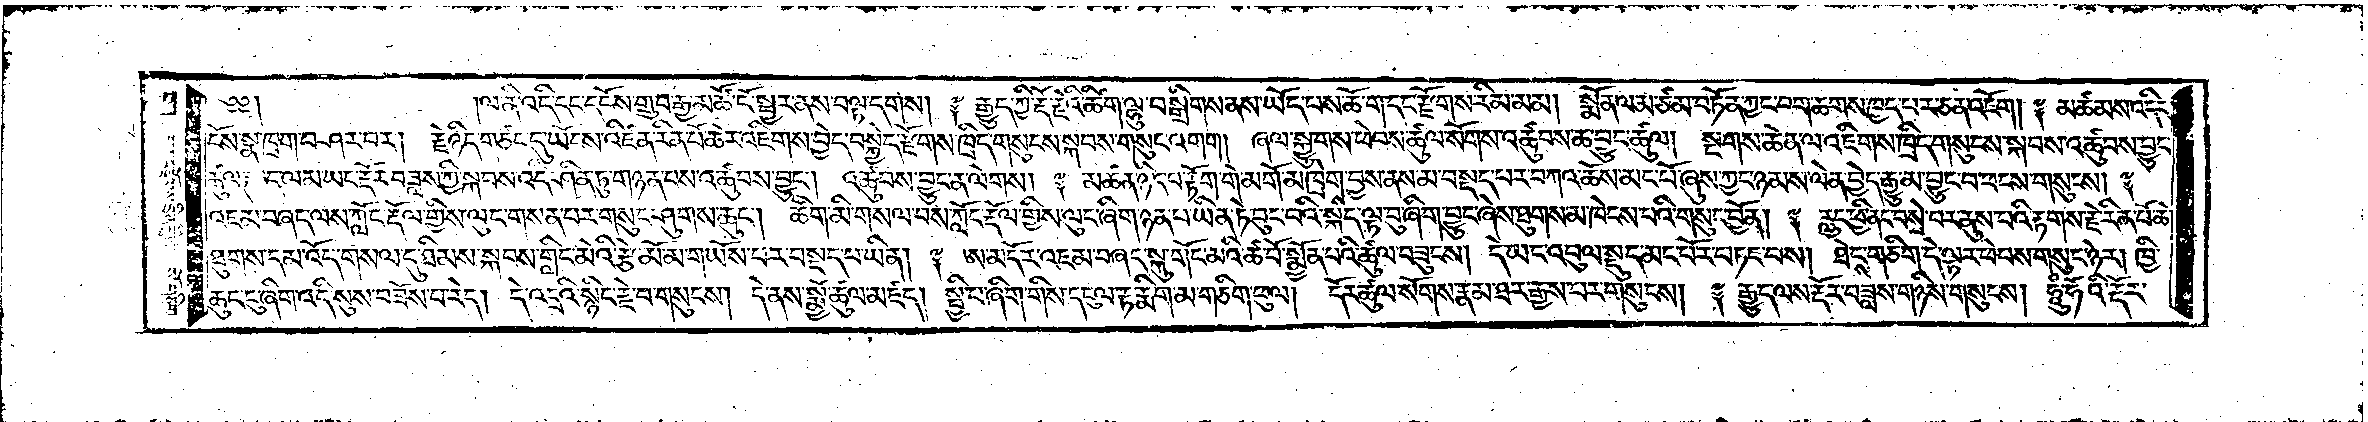༄༅། །ལ་ནི་འདི་དང་དངོས་གྲུབ་རྒྱ་མཚོ་ངོ་སྦྱར་ནས་བལྟ་དགས། ༈ རྒྱུད་ཀྱི་རྡོ་རྗེའི་ཚིག་ལྷུ་བསྒྲིགས་ནས་ཡོད་པས་ཆོ་ག་དང་རྫོགས་རིམ་མམ། སྨོན་ལམ་ཙམ་བཏོན་ཀྱང་བག་ཆགས་ཁྱད་པར་ཅན་འཇོག། ༈ མཚམས་འདིར་
ངོས་སྣ་ཁྲག་བཤར་བར། རྗེ་ཉིད་གཙང་དུ་ཡོངས་འཛིན་རིན་པོ་ཆེར་འཇིགས་བྱེད་བསྐྱེད་རྫོགས་ཁྲིད་གསུངས་སྐབས་གསུང་འགག། ཞལ་སྐྱུགས་ཕེབས་ཚུལ་སོགས་འཚུབས་ཆ་བྱུང་ཚུལ། སྔགས་ཆེན་ལ་འཇིགས་ཁྲིད་གསུངས་སྐབས་འཚུབས་བྱུང་
ཚུལ༑ ད་ལམ་ཡང་རྡོར་བཟླས་ཀྱི་སྐབས་འདི་ཤིན་ཏུ་གཉན་པས་འཚུབས་བྱུང་། འཚུབས་བྱུང་ན་ལེགས། ༈ མཚན་ཉིད་པ་རྟོག་གེ་མགོ་མཁྲེག་བྱས་ནས་མ་བསྡད་པར་བཀའ་ཆོས་མང་པོ་ཞུས་ཀྱང་ཉམས་ལེན་བྱེད་རྒྱུ་མ་བྱུང་བ་ཕངས་གསུངས། ༈
འཇམ་བཞད་ལས་ཀློང་རྡོལ་གྱིས་ལུང་གསན་པར་གསུང་ཤུགས་ཆུང་། ཚིག་མི་གསལ་བས་ཀློང་རྡོལ་གྱིས་ལུང་ཞིག་ཉན་པ་ཡིན་ཏེ་བུང་བའི་སྐད་ལྟ་བུ་ཞིག་བྱུང་ཞེས་ཐུགས་མ་ཁེངས་པའི་གསུང་བྱོན། ༈ རླུང་ཕྱི་ནང་བསྲེ་བར་ནུས་པའི་རྟགས་རྗེ་རིན་པོ་ཆེ་
ཐུགས་དམ་འོད་གསལ་དུ་ཐིམས་སྐབས་གླིང་མེའི་རྩེ་མོ་མ་གཡོས་པར་བསྡད་པ་ཡིན། ༈ ཨ་མདོར་འཇམ་བཞད་སྐུ་གོང་མའི་ཚ་བོ་སྨྱོན་པའི་ཚུལ་བཟུངས། དེ་ཡང་འབུལ་སྡུད་མང་པོར་བཏང་བས། ཐེངས་གཅིག་དེ་ལྟར་ཕེབས་གསུང་ཉེར། ཁྱི་
ཆུང་དུ་ཞིག་འདི་སུས་བཟོས་པ་རེད། དེ་འདྲའི་སྙིང་རྗེ་བ་གསུངས། དེ་ནས་སྨྱོ་ཚུལ་མཛད། སྤྱི་བ་ཞིག་གིས་དངུལ་རྟ་རྨིག་མ་གཅིག་བུལ། དོར་ཚུལ་སོགས་རྣམ་ཐར་རྒྱས་པར་གསུངས། ༈ རྒྱུད་ལས་རྡོར་བཟླས་གཉིས་གསུངས། ཧཱུཾ་ཧོའི་རྡོར་